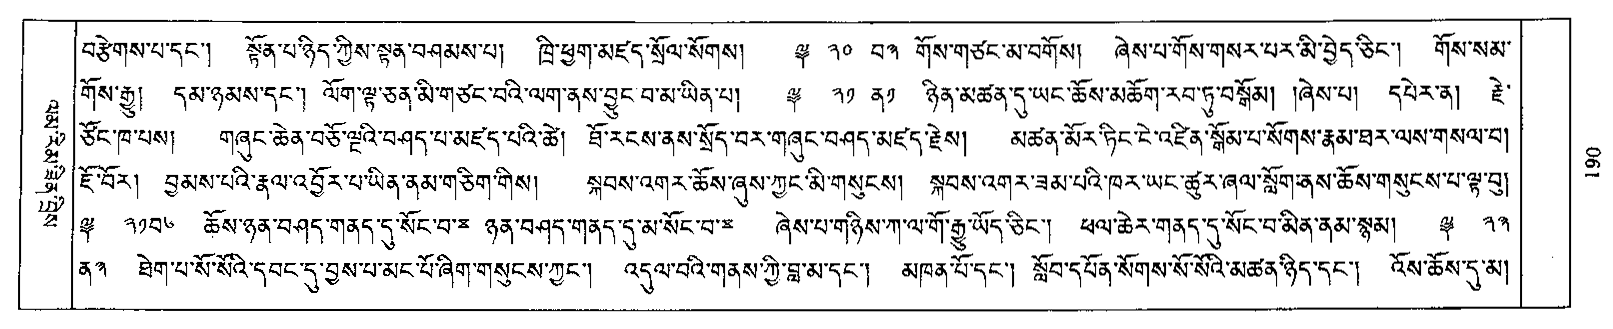བརྩེགས་པ་དང་། སྟོན་པ་ཉིད་ཀྱིས་སྟན་བཤམས་པ། ཁྲི་ཕྱག་མཛད་སྲོལ་སོགས། ༈ ༢༠་བ ༣་གོས་གཙང་མ་བགོས། ཞེས་པ་གོས་གསར་པར་མི་བྱེད་ཅིང་། གོས་སམ་
གོས་རྒྱུ། དམ་ཉམས་དང་། ལོག་ལྟ་ཅན་མི་གཙང་བའི་ལག་ནས་བྱུང་བ་མ་ཡིན་པ། ༈ ༢༡་ན ༡་ཉིན་མཚན་དུ་ཡང་ཆོས་མཆོག་རབ་ཏུ་བསྒོམ། །ཞེས་པ། དཔེར་ན། རྗེ་
ཙོང་ཁ་པས། གཞུང་ཆེན་བཅོ་ལྔའི་བཤད་པ་མཛད་པའི་ཚེ། ཐོ་རངས་ནས་སྲོད་བར་གཞུང་བཤད་མཛད་རྗེས། མཚན་མོར་ཏིང་ངེ་འཛིན་སྒོམ་པ་སོགས་རྣམ་ཐར་ལས་གསལ་བ།
ཇོ་བོར། བྱམས་པའི་རྣལ་འབྱོར་པ་ཡིན་ནམ་གཅིག་གིས། སྐབས་འགར་ཆོས་ཞུས་ཀྱང་མི་གསུངས། སྐབས་འགར་ཟམ་པའི་ཁར་ཡང་ཚུར་ཞལ་སློག་ནས་ཆོས་གསུངས་པ་ལྟ་བུ།
༈ ༢༡་བ ༦་ཆོས་ཉན་བཤད་གནད་དུ་སོང་བ་ཉན་བཤད་གནད་དུ་མ་སོང་བ་ཞེས་པ་གཉིས་ཀ་ལ་གོ་རྒྱུ་ཡོད་ཅིང་། ཕལ་ཆེར་གནད་དུ་སོང་བ་མིན་ནམ་སྙམ། ༈ ༢༣
ན ༣་ཐེག་པ་སོ་སོའི་དབང་དུ་བྱས་པ་མང་པོ་ཞིག་གསུངས་ཀྱང་། འདུལ་བའི་གནས་ཀྱི་བླ་མ་དང་། མཁན་པོ་དང་། སློབ་དཔོན་སོགས་སོ་སོའི་མཚན་ཉིད་དང་། འོས་ཆོས་དུ་མ།